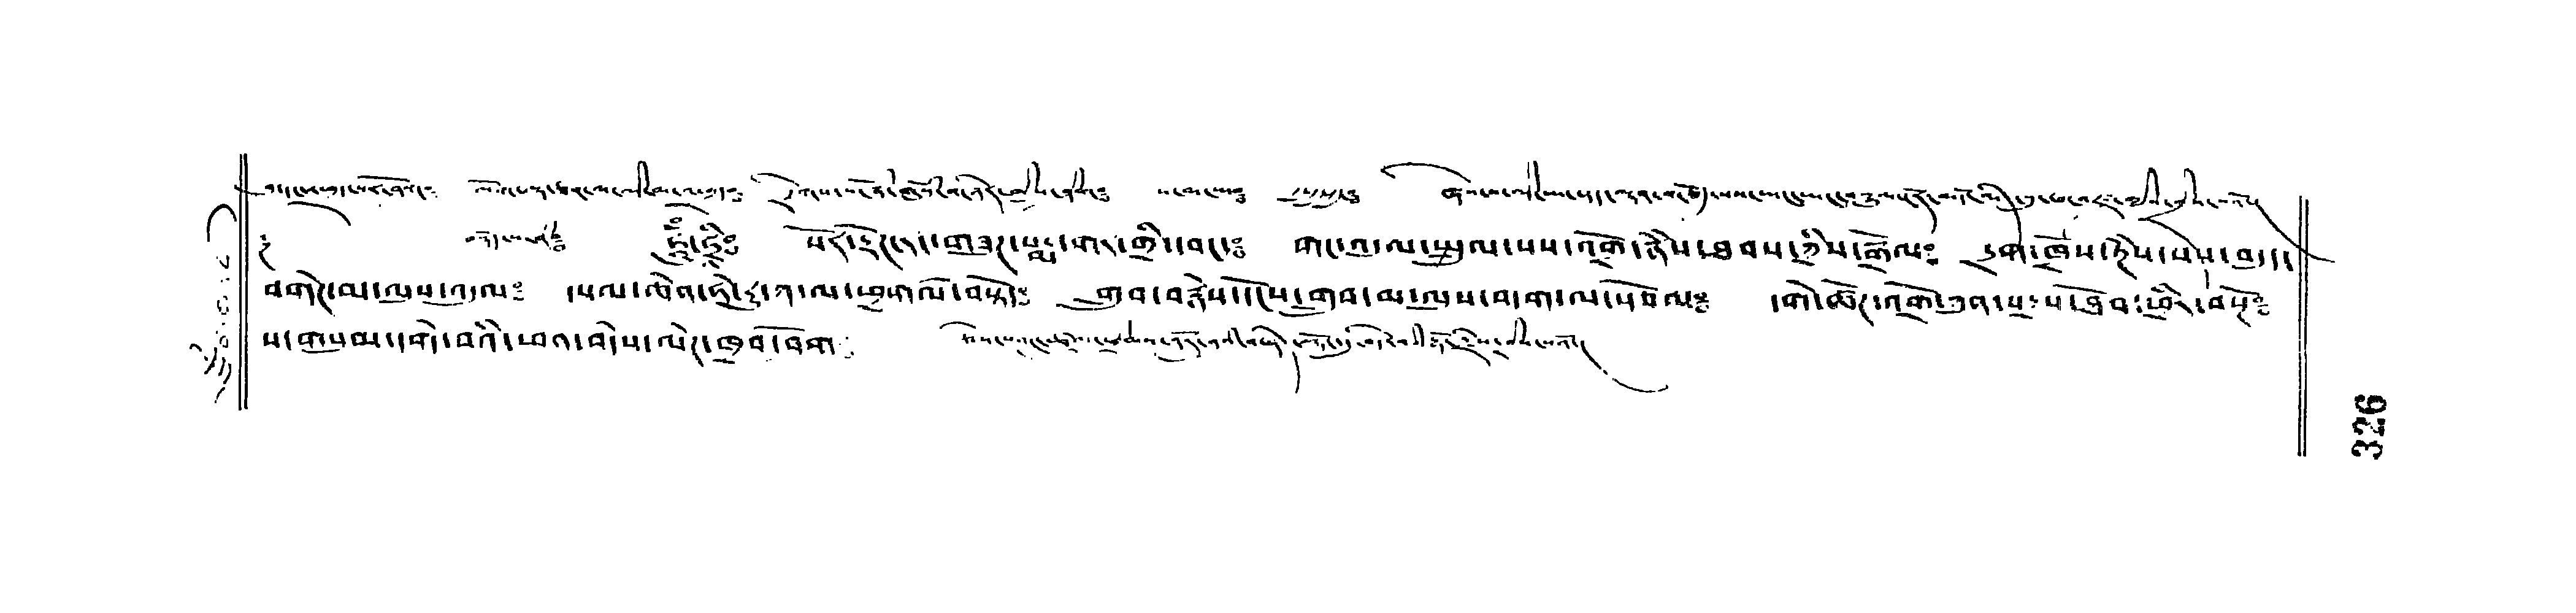བུ་དང་འཕྲད་པར་ཤོག༔ ལོག་ལྟ་ཅན་ལ་འདི་མ་འཕྲད༔ དྲེགས་པ་རྣམ་གསུམ་གཉེར་གྱིས་ཤིག༔ ས་མ་ཡ༔ རྒྱ་རྒྱ་རྒྱ༔ ཞེས་པ་འདི་ཡང་དད་ལྡན་གཅོད་པས་ཡང་ཡང་བསྐུལ་ངོར་མདོ་མེད་སུ་ཁ་བཛྲ་གྱིས་བྲིས་པའོ།། 
༈ བསྟོད་པ་ནི༔ ཧཱུྃ་ཧྲཱིཿ སོར་རྟོགས་རང་གཟུགས་པདྨ་གར་གྱི་དབང༔ གང་འདུལ་སྤྲུལ་པས་འགྲོ་རྣམས་ཐབས་ཀྱིས་སྒྲོལ༔ དྲག་ཁྲོས་རྔམས་པས་བདུད་
བགེགས་མ་ལུས་འདུལ༔ དཔལ་ཆེན་ཧེ་རུ་ཀ་ལ་ཕྱག་འཚལ་བསྟོད༔ གྲུབ་བརྙེས་དངོས་གྲུབ་མ་ལུས་བདག་ལ་སྩོལ༔ དགེ་ཚོགས་འགྲོ་ཀུན་སངས་རྒྱས་ཐོབ་ཕྱིར་བསྔོ༔ 
ས་གསུམ་དགེ་བའི་ཕན་བདེས་ལེགས་ཁྱབ་ཤོག༔ ཅེས་པའང་ཚུལ་ཁྲིམས་ནོར་བུའི་བཞེད་སྐོང་དུ་བདེ་བའི་རྡོ་རྗེས་བྲིས་པའོ།།